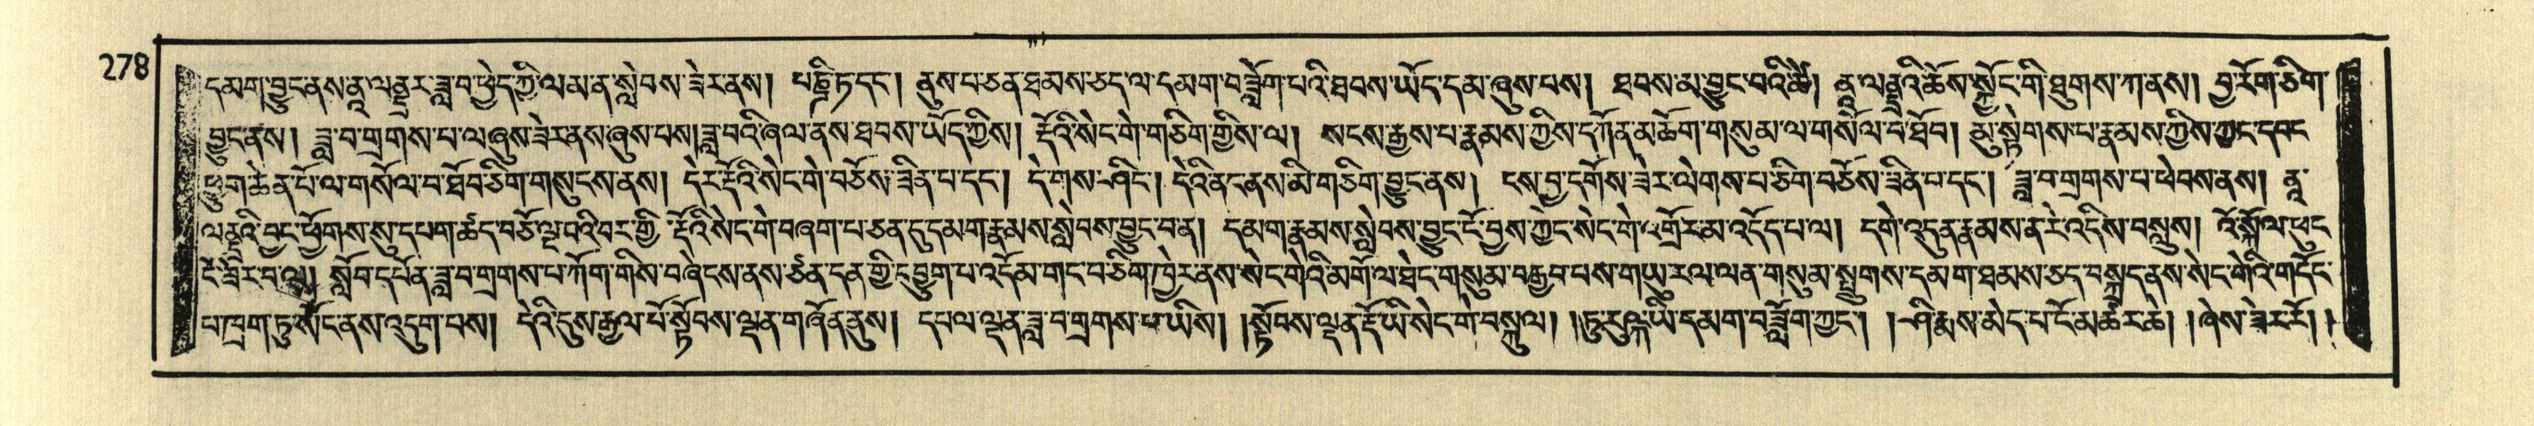དམག་བྱུང་ནས་ནཱ་ལནྡྲར་ཟླ་བ་ཕྱེད་ཀྱི་ལམ་ན་སླེབས་ཟེར་ནས། པཎྜི་ཏ་དང་། ནུས་པ་ཅན་ཐམས་ཅད་ལ་དམག་བཟློག་པའི་ཐབས་ཡོད་དམ་ཞུས་པས། ཐབས་མ་བྱུང་བའི་ཚེ། ནཱ་ལནྡྲའི་ཆོས་སྐྱོང་གི་ཐུགས་ཀ་ནས། བྱ་རོག་ཅིག་
བྱུང་ནས། ཟླ་བ་གྲགས་པ་ལ་ཞུས་ཟེར་ནས་ཞུས་པས། ཟླ་བའི་ཞལ་ནས་ཐབས་ཡོད་ཀྱིས། རྡོའི་སེང་གེ་གཅིག་གྱིས་ལ། སངས་རྒྱས་པ་རྣམས་ཀྱིས་དཀོན་མཆོག་གསུམ་ལ་གསོལ་བ་ཐོབ། མུ་སྟེགས་པ་རྣམས་ཀྱིས་ཀྱང་དབང་
ཕྱུག་ཆེན་པོ་ལ་གསོལ་བ་ཐོབ་ཅིག་གསུངས་ནས། དེར་རྡོའི་སེང་གེ་བཅོས་ཟིན་པ་དང་། དེ་གས་ཤིང་། དེའི་ནང་ནས་མི་གཅིག་བྱུང་ནས། ངས་བྱ་དགོས་ཟེར་ལེགས་པ་ཅིག་བཅོས་ཟིན་པ་དང་། ཟླ་བ་གྲགས་པ་ཕེབས་ནས། ནཱ་
ལནྡྲའི་བྱང་ཕྱོགས་སུ་དཔག་ཚད་བཅོ་ལྔ་པའི་བར་གྱི་རྡོའི་སེང་གེ་བཞག་པ་ཅན་དུ་དམག་རྣམས་སླེབས་བྱུང་བ་ན། དམག་རྣམས་སླེབས་བྱུང་ངོ་བྱས་ཀྱེང་སེང་གེ་འགྲོར་མ་འདོད་པ་ལ། དགེ་འདུན་རྣམས་ན་རེ་འདིས་བསླུས། འོ་སྐོལ་ཕུང་
ངོ་ཟེར་བ་ལ། སློབ་དཔོན་ཟླ་བ་གྲགས་པ་ཀོག་གིས་བཞེངས་ནས་ཙན་དན་གྱི་དབྱུག་པ་འདོམ་གང་བ་ཅིག་ཁྱེར་ནས་སེང་གེའི་མགོ་ལ་ཐེང་གསུམ་བརྒྱབ་པས་གཡུ་རལ་ལན་གསུམ་སྤྲུགས་དམག་ཐམས་ཅད་བསྐྲད་ནས་སེང་གེའི་གདོང་
པ་ཁྲག་ཏུ་སོང་ནས་འདུག་པས། དེའི་དུས་རྒྱལ་པོ་སྟོབས་ལྡན་གཞོན་ནུས། དཔལ་ལྡན་ཟླ་བ་གྲགས་པ་ཡིས། །སྟོབས་ལྡན་རྡོ་ཡི་སེང་གེ་བསྐུལ། །ཏུ་རུཥྐ་ཡི་དམག་བཟློག་ཀྱང་། །ཤི་རྨས་མེད་པ་ངོ་མཚར་ཆེ། །ཞེས་ཟེར་རོ། །